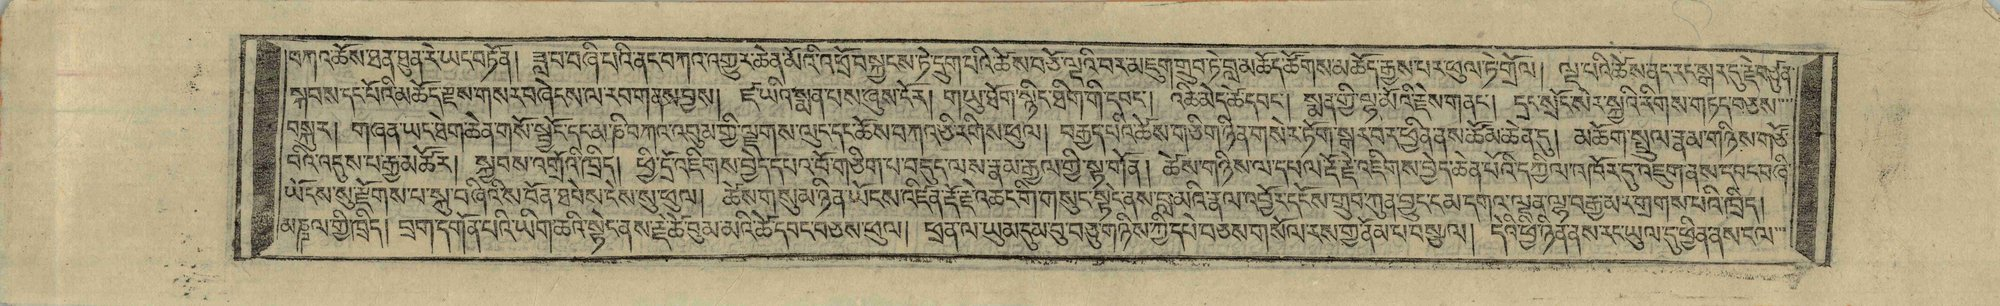བཀའ་ཆོས་ཐན་ཐུན་རེ་ཡང་བཏོན། ཟླ་བ་བཞི་པའི་ནང་བཀའ་འགྱུར་ཆེན་མོའི་འཕྲོ་བསྐྱངས་ཏེ་དྲུག་པའི་ཚེས་བཅོ་ལྔའི་བར་མཇུག་གྲུབ་ཏེ་བླ་མཆོད་ཚོགས་མཆོད་རྒྱས་པར་ཕུལ་ཏེ་གྲོལ། ལྔ་པའི་ཚེས་ནང་རང་སྒར་དུ་རྗེ་བཙུན་
སྐབས་དང་པོའི་མཆོད་རྫས་གསར་བཞེངས་ལ་རབ་གནས་བྱས། ཛ་ཡའི་སྨན་པས་ཞུས་ངོར། གཡུ་ཐོག་སྙིང་ཐིག་གི་དབང་། འཆི་མེད་ཚེ་དབང་། སྨན་གྱི་ལྷ་མོའི་རྗེས་གནངས། དྲང་སྲོང་སེར་སྐྱའི་རིགས་གཏད་བཅས་
བསྐུར། གཞན་ཡང་ཐེག་ཆེན་གསོ་སྦྱོང་དང་མ་ཎི་བཀའ་འབུམ་གྱི་ལྗགས་ལུང་དང་ཆོས་བཀའ་ཅི་རིགས་ཕུལ། བརྒྱད་པའི་ཚེས་གཅིག་ཉིན་གསེར་ཏོག་སྒར་བར་ཕྱིན་ནས་ཚོམ་ཆེན་དུ། མཆོག་སྤྲུལ་རྣམ་གཉིས་གཙོ་
བའི་འདུས་པ་རྒྱ་མཚོར། སྐྱབས་འགྲོའི་ཁྲིད། ཕྱི་དྲོ་འཇིགས་བྱེད་དཔའ་བོ་གཅིག་པ་བདུད་ལས་རྣམ་རྒྱལ་གྱི་སྟ་གོན། ཚེས་གཉིས་ལ་དཔལ་རྡོ་རྗེ་འཇིགས་བྱེད་ཆེན་པོའི་དཀྱིལ་འཁོར་དུ་འཇུག་ནས་དབང་བཞི་
ཡོངས་སུ་རྫོགས་པ་སྐུ་བཞིའི་ས་བོན་ཐེབས་ངེས་སུ་ཕུལ། ཚེས་གསུམ་ཉིན་ཡོངས་འཛིན་རྡོ་རྗེ་འཆང་གི་གསུང་སྟེང་ནས་བླ་མའི་རྣལ་འབྱོར་དངོས་གྲུབ་ཀུན་བྱུང་ངམ་དགའ་ལྡན་ལྷ་བརྒྱ་མར་གྲགས་པའི་ཁྲིད།
མཎྜལ་གྱི་ཁྲིད། བྲག་དགོན་པའི་ཡིག་ཆའི་སྟེང་ནས་རྗེ་ཚེ་བུམ་མའི་ཚེ་དབང་བཅས་ཕུལ། ཕྲན་ལ་ཡུམ་དུམ་བུ་བཅུ་གཉིས་ཀྱི་དཔེ་བཅས་གསོལ་རས་གྱ་ནོམ་པ་བསྩལ། དེའི་ཕྱི་ཉིན་ནས་རང་ཡུལ་དུ་ཕྱིན་ནས་ངལ་